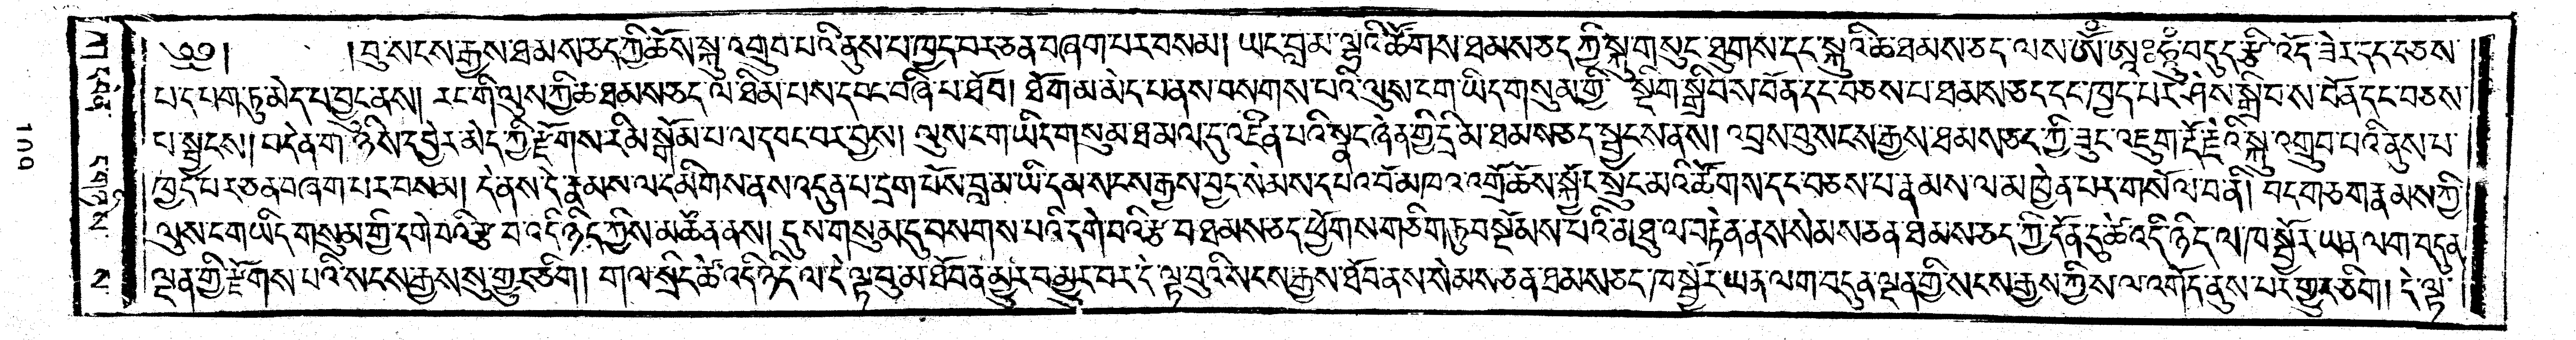༄༅། །བུ་སངས་རྒྱས་ཐམས་ཅད་ཀྱི་ཆོས་སྐུ་འགྲུབ་པའི་ནུས་པ་ཁྱད་བར་ཅན་བཞག་པར་བསམ། ཡང་བླ་མ་ལྷའི་ཚོགས་ཐམས་ཅད་ཀྱི་སྐུ་གསུང་ཐུགས་དང་སྐུའི་ཆ་ཐམས་ཅད་ལས་ཨོཾ་ཨཱཿ ཧཱུཾ་བདུད་རྩི་འོད་ཟེར་དང་བཅས་
པ་དཔག་ཏུ་མེད་པ་བྱུང་ནས། རང་གི་ལུས་ཀྱི་ཆ་ཐམས་ཅད་ལ་ཐིམ་པས་དབང་བཞི་པ་ཐོབ། ཐོག་མ་མེད་པ་ནས་བསགས་པའི་ལུས་ངག་ཡིད་གསུམ་གྱི་སྡིག་སྒྲིབ་ས་བོན་དང་བཅས་པ་ཐམས་ཅད་དང་ཁྱད་པར་ཤེས་སྒྲིབ་ས་བོན་དང་བཅས་
པ་སྦྱངས། བདེན་གཉིས་དབྱེར་མེད་ཀྱི་རྫོགས་རིམ་སྒོམ་པ་ལ་དབང་བར་བྱས། ལུས་ངག་ཡིད་གསུམ་ཐ་མལ་དུ་འཛིན་པའི་སྣང་ཞེན་གྱི་དྲི་མ་ཐམས་ཅད་སྦྱངས་ནས། འབྲས་བུ་སངས་རྒྱས་ཐམས་ཅད་ཀྱི་ཟུང་འཇུག་རྡོ་རྗེའི་སྐུ་འགྲུབ་པའི་ནུས་པ་
ཁྱད་པར་ཅན་བཞག་པར་བསམ། དེ་ནས་དེ་རྣམས་ལ་དམིགས་ནས་འདུན་པ་དྲག་པོས་བླ་མ་ཡི་དམ་སངས་རྒྱས་བྱང་སེམས་དཔའ་བོ་མཁའ་འགྲོ་ཆོས་སྐྱོང་སྲུང་མའི་ཚོགས་དང་བཅས་པ་རྣམས་ལ་མཁྱེན་པར་གསོལ་བ་ནི། བདག་ཅག་རྣམས་ཀྱི་
ལུས་ངག་ཡིད་གསུམ་གྱི་དགེ་བའི་རྩ་བ་འདི་ཉིད་ཀྱིས་མཚོན་ནས། དུས་གསུམ་དུ་བསགས་པའི་དགེ་བའི་རྩ་བ་ཐམས་ཅད་ཕྱོགས་གཅིག་ཏུ་བསྡོམས་པའི་མཐུ་ལ་བརྟེན་ནས་སེམས་ཅན་ཐམས་ཅད་ཀྱི་དོན་དུ་ཚེ་འདི་ཉིད་ལ་ཁ་སྦྱོར་ཡན་ལག་བདུན་
ལྡན་གྱི་རྫོགས་པའི་སངས་རྒྱས་སུ་གྱུར་ཅིག། གལ་སྲིད་ཚེ་འདི་ཉིད་ལ་དེ་ལྟ་བུ་མ་ཐོབ་ན་མྱུར་བ་མྱུར་བར་དེ་ལྟ་བུའི་སངས་རྒྱས་ཐོབ་ནས་སེམས་ཅན་ཐམས་ཅད་ཁ་སྦྱོར་ཡན་ལག་བདུན་ལྡན་གྱི་སངས་རྒྱས་ཀྱིས་ལ་འགོད་ནུས་པར་གྱུར་ཅིག། དེ་ལྟ་